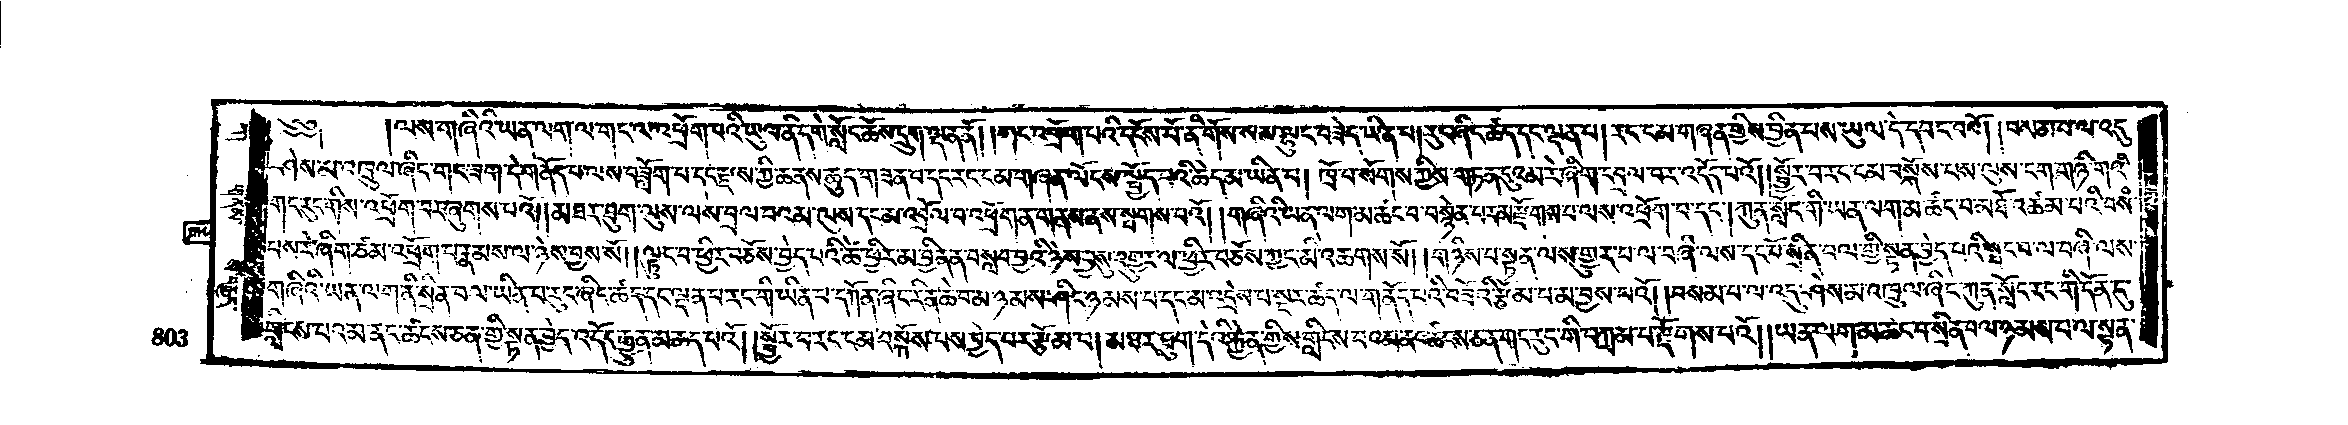༄༅། །ལས་གཞིའི་ཡན་ལག་ལ་གང་ལ་འཕྲོག་པའི་ཡུལ་ནི་དགེ་སློང་ཆོས་དྲུག་ལྡན་ནོ། །གང་འཕྲོག་པའི་དངོས་པོ་ནི་གོས་སམ་ལྷུང་བཟེད་ཡིན་པ། རུང་ཞིང་ཚད་དང་ལྡན་པ། རང་ངམ་གཞན་གྱིས་བྱིན་པས་ཡུལ་དེ་དབང་བའོ། །བསམ་པ་ལ་འདུ་
ཤེས་མ་འཁྲུལ་ཞིང་གང་ཟག་དེ་གནོད་པ་ལས་བཟློག་པ་དང་རྫས་ཀྱི་ཆ་ནས་ཆུད་གཟན་པ་དང་རང་ངམ་གཞན་ལོངས་སྤྱོད་པའི་ཆེད་མ་ཡིན་པ། ཁྲོ་བ་སོགས་ཀྱིས་གཏན་དུའམ་རེ་ཞིག་དབྲལ་བར་འདོད་པའོ། །སྦྱོར་བ་རང་ངམ་བསྐོས་པས་ལུས་ངག་གཉི་གའི་
གང་རུང་གིས་འཕྲོག་པར་ཞུགས་པའོ། །མཐར་ཐུག་ལུས་ལས་བྲལ་བའམ་ལུས་དང་མ་འབྲོལ་བ་འཕྲོག་ན་གནས་ནས་སྦགས་པའོ། །གཞིའི་ཡན་ལག་མ་ཚང་བ་བསྙེན་པར་མ་རྫོགས་པ་ལས་འཕྲོག་པ་དང་། ཀུན་སློང་གི་ཡན་ལག་མ་ཚང་བ་མཐོ་འཚམ་པའི་བསཾ་
པས་རེ་ཞིག་ཙམ་འཕྲོག་པ་རྣམས་ལ་ཉེས་བྱས་སོ། །ལྟུང་བ་ཕྱིར་བཅོས་བྱེད་པའི་ཚེ་ཕྱིར་མ་བྱིན་ན་བསླབ་བྱའི་ཉེས་བྱས་སུ་འགྱུར་ལ་ཕྱིར་བཅོས་ཀྱང་མི་འཆགས་སོ། །གཉིས་པ་སྟན་ལས་གྱུར་པ་ལ་བཞི་ལས་དང་པོ་སྲིན་བལ་གྱི་སྟན་བྱེད་པའི་སྤང་བ་ལ་བཞི་ལས་
གཞིའི་ཡན་ལག་ནི་སྲིན་བལ་ཡིན་པ་རུང་ཞིང་ཚད་དང་ལྡན་པ་རང་གི་ཡིན་པ་དཀོན་ཞིང་རིན་ཆེ་བ་མ་ཉམས་ཤིང་ཉམས་པ་དང་མ་འདྲེས་པ་སྔར་ཚད་ལ་གནོད་པའི་བཟོའི་རྩོམ་པ་མ་བྱས་པའོ། །བསམ་པ་ལ་འདུ་ཤེས་མ་འཁྲུལ་ཞིང་ཀུན་སློང་རང་གི་དོན་དུ་
གླིངས་པའམ་ནང་ཚངས་ཅན་གྱི་སྟན་བྱེད་འདོད་རྒྱུན་མ་ཆད་པའོ། །སྦྱོར་བ་རང་ངམ་བསྒོས་པས་བྱེད་པར་རྩོམ་པ། མཐར་ཐུག་དེའི་རྐྱེན་གྱིས་གླིངས་པའམ་ནང་ཚངས་ཅན་གང་རུང་གི་བཀྲམ་པ་རྫོགས་པའོ། །ཡན་ལག་མ་ཚང་བ་སྲིན་པ་ལ་ཉམས་པ་ལ་སྟན་